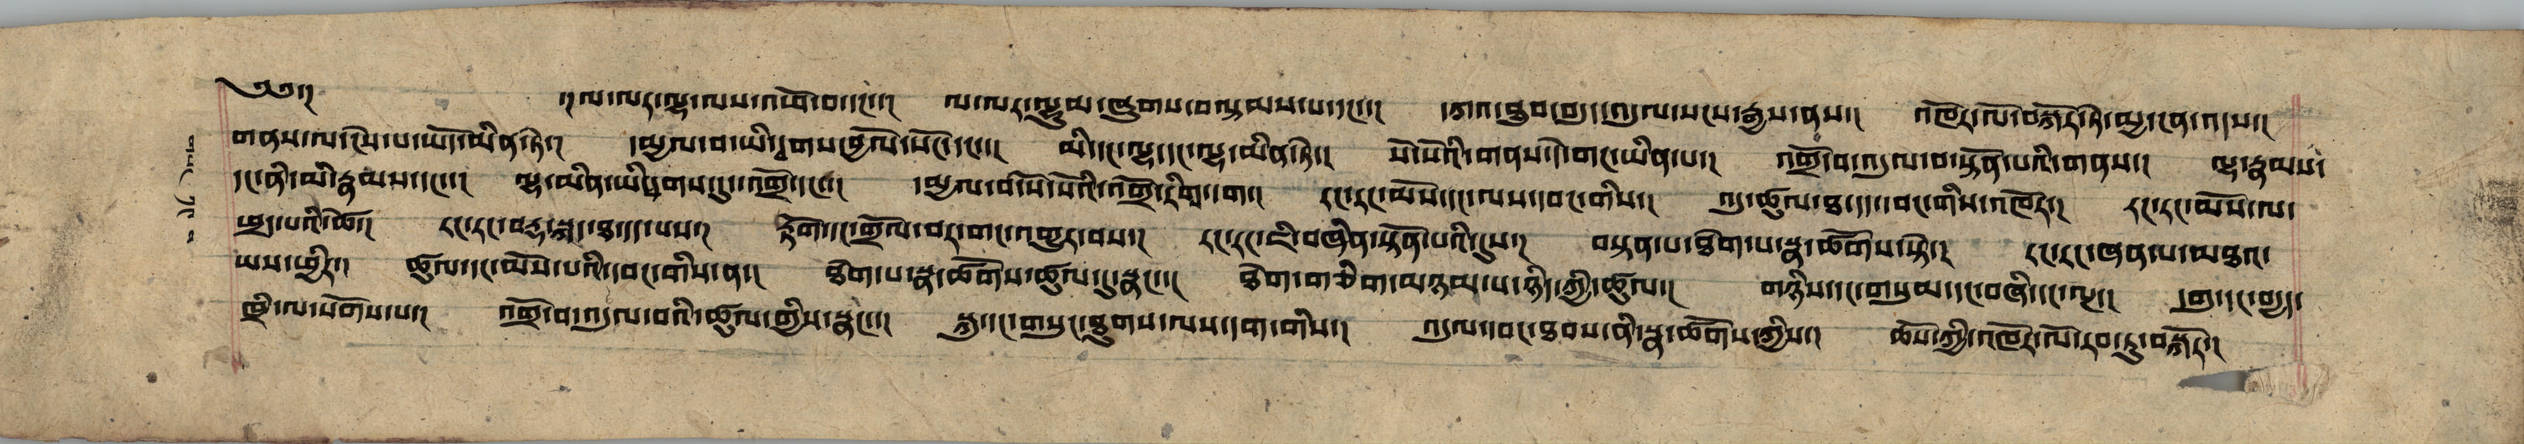༄༅་། ་།ལ་ལར་ལྷ་ལས་འཕོ་བ་དང་་། ལ་ལར་ལྷུམ་ཞུགས་བལྟམས་པ་དང་་། དཀའ་ཐུབ་བདུད་འདུལ་སངས་རྒྱས་ནས་། འཁོར་ལོ་བསྐོར་ཏེ་མྱ་ངན་འདས་།
གནས་ལ་ངེས་པ་ཡོད་མིན་ཏེ་། དམྱལ་བ་ཡི་དྭགས་བྱོལ་སོང་དང་་། མི་དང་ལྷ་དང་ལྷ་མིན་ཏེ་། སོ་སོའི་གནས་དེ་གང་ཡིན་པ་། འགྲོ་བ་འདུལ་བ་སྟོན་པའི་གནས་། ལྷ་རྣམས་
དང་ནི་མི་རྣམས་དང་་། ལྷ་མིན་ཡི་དྭགས་དུད་འགྲོ་དང་་། དམྱལ་བ་སོ་སོའི་འགྲོ་རིགས་དག་། རང་རང་མོས་དང་ལས་དབང་གིས་། འདུ་ཚུལ་ཐ་དད་དབང་གིས་འཁོར་། རང་རང་མོས་ལ་
ཕྲད་པའི་ཚེ་། རང་རང་བརྡ་སྐད་ཐ་དད་པས་། རྟོག་དང་གྲོལ་བར་གང་འགྱུར་བས་། རང་རང་ཇི་བཞིན་སྟོན་པའི་དུས་། བསྟན་པ་ཐེག་པ་སྣ་ཚོགས་སྟེ་། རང་རང་ཞན་པ་མཐའ་
ཡས་ཕྱིར་། ཚུལ་དང་མོས་པའི་དབང་གིས་ན་། ཐེག་པ་སྣ་ཚོགས་ཚུལ་དུ་སྣང་་། ཐེག་གཅིག་མཉམ་པ་ཉིད་ཀྱི་ཚུལ་། གཉིས་དང་གསུམ་དང་བཞི་དང་ལྔ་། དགུ་དང་བདྱད་
ཁྲི་ལ་སོགས་པ་། འགྲོ་བ་འདུལ་བའི་ཚུལ་གྱིས་སྣང་་། སྐུ་དང་གསུང་ཐུགས་ལས་དག་གིས་། འདུལ་དབང་ཐབས་ནི་སྣ་ཚོགས་ཀྱིས་། ཆོས་ཀྱི་འཁོར་ལོ་རབ་ཏུ་བསྐོར་།